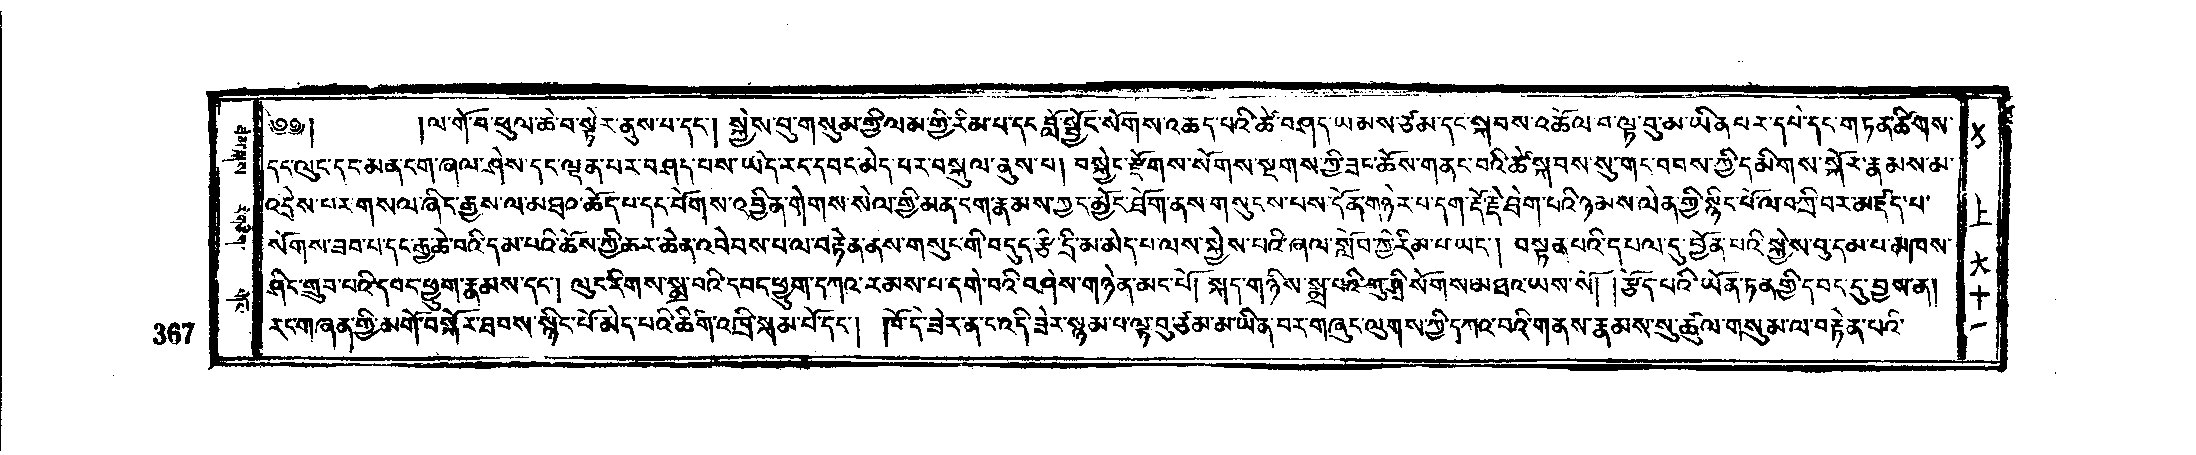༄༅། །ལ་གོ་བ་ཕུལ་ཆེ་བ་སྟེར་ནུས་པ་དང་། སྐྱེས་བུ་གསུམ་གྱི་ལམ་གྱི་རིམ་པ་དང་བློ་སྦྱོང་སོགས་འཆད་པའི་ཚེ་བཤད་ཡམས་ཙམ་དང་སྐབས་འཆོལ་བ་ལྟ་བུ་མ་ཡིན་པར་དཔེ་དང་གཏན་ཚིགས་
དང་ལུང་དང་མན་ངག་ཞལ་ཤེས་དང་ལྡན་པར་བཤད་པས་ཡིད་རང་དབང་མེད་པར་བསྐུལ་ནུས་པ། བསྐྱེད་རྫོགས་སོགས་སྔགས་ཀྱི་ཟབ་ཆོས་གནང་བའི་ཚེ་སྐབས་སུ་གང་བབས་ཀྱི་དམིགས་སྐོར་རྣམས་མ་
འདྲེས་པར་གསལ་ཞིང་རྒྱས་ལ་མཐའ་ཆོད་པ་དང་བོགས་འབྱིན་གེགས་སེལ་གྱི་མན་ངག་རྣམས་ཀྱང་མྱོང་ཐོག་ནས་གསུངས་པས་དོན་གཉེར་པ་དག་རྡོ་རྗེ་ཐེག་པའི་ཉམས་ལེན་གྱི་སྙིང་པོ་ལ་བཀྲི་བར་མཛད་པ་
སོགས་ཟབ་པ་དང་རྒྱ་ཆེ་བའི་དམ་པའི་ཆོས་ཀྱི་ཆར་ཆེན་འབེབས་པ་ལ་བརྟེན་ནས་གསུང་གི་བདུད་རྩི་དྲི་མ་མེད་པ་ལས་སྐྱེས་པའི་ཞལ་སློབ་ཀྱི་རིམ་པ་ཡང་། བསྟན་པའི་དཔལ་དུ་བྱོན་པའི་སྐྱེས་བུ་དམ་པ་མཁས་
ཤིང་གྲུབ་པའི་དབང་ཕྱུག་རྣམས་དང་། ལུང་རིགས་སྨྲ་བའི་དབང་ཕྱུག་དཀའ་རམས་པ་དགེ་བའི་བཤེས་གཉེན་མང་པོ། སྐད་གཉིས་སྨྲ་བའི་གུ་ཤྲི་སོགས་མཐའ་ཡས་སོ། །རྩོད་པའི་ཡོན་ཏན་གྱི་དབང་དུ་བྱས་ན།
རང་གཞན་གྱི་མགོ་བསྐོར་ཐབས་སྙིང་པོ་མེད་པའི་ཚིག་འཁྲི་སྐམ་པོ་དང་། ཁོ་དེ་ཟེར་ན་ང་འདི་ཟེར་སྙམ་པ་ལྟ་བུ་ཙམ་མ་ཡིན་པར་གཞུང་ལུགས་ཀྱི་དཀའ་བའི་གནས་རྣམས་སུ་ཚུལ་གསུམ་ལ་བརྟེན་པའི་